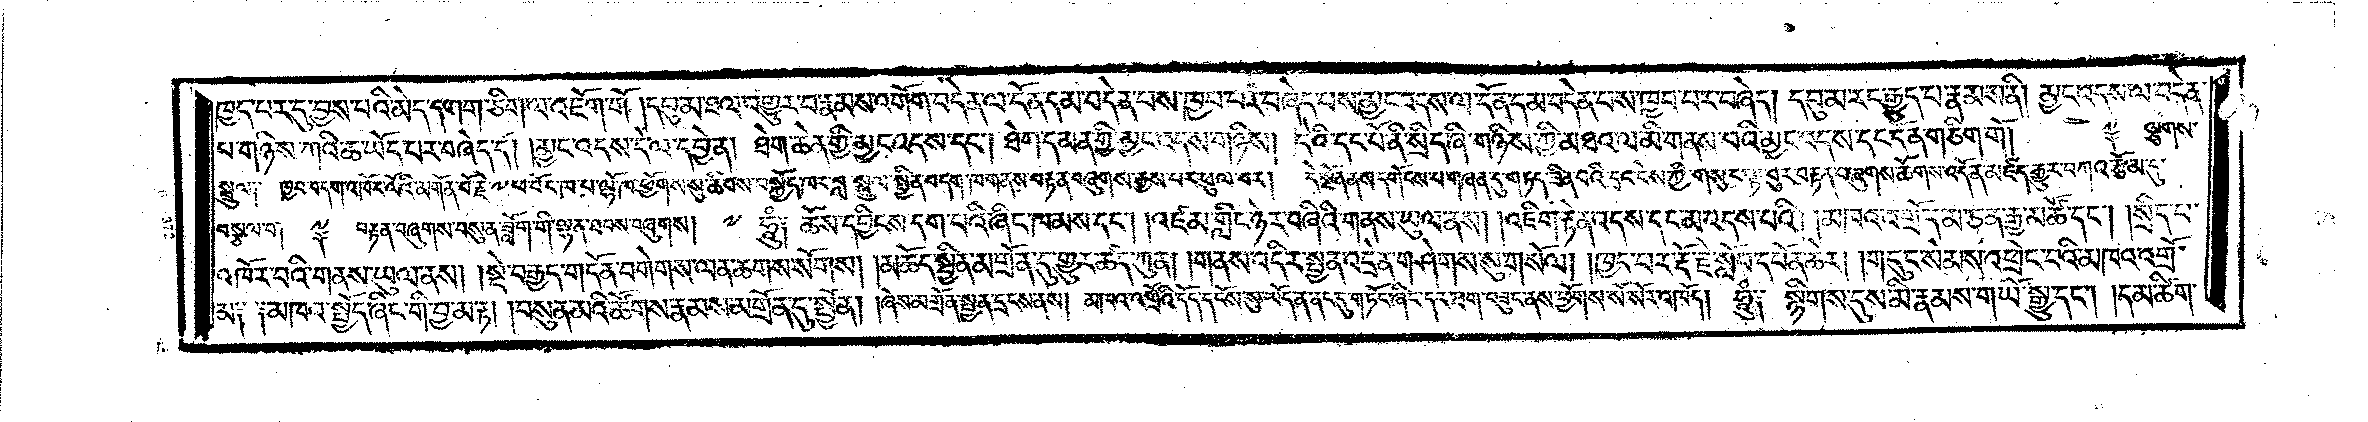ཁྱད་པར་དུ་བྱས་པའི་མེད་དགག་ཅིག་ལ་འཇོག་གོ །དབུ་མ་ཐལ་འགྱུར་བ་རྣམས་འགོག་བདེན་ལ་དོན་དམ་བདེན་པས་ཁྱབ་པར་བཞེད་པས་མྱང་འདས་ལ་དོན་དམ་བདེན་པས་ཁྱབ་པར་བཞེད། དབུ་མར་བརྒྱུད་པ་རྣམས་ནི། མྱང་འདས་ལ་བདེན་
པ་གཉིས་ཀའི་ཆ་ཡོད་པར་བཞེད་དོ། །མྱང་འདས་དེ་ལ་དབྱེ་ན། ཐེག་ཆེན་གྱི་མྱང་འདས་དང་། ཐེག་དམན་གྱི་མྱང་འདས་གཉིས། དེའི་དང་པོ་ནི་སྲིད་ཞི་གཉིས་ཀྱི་མཐའ་ལ་མི་གནས་བའི་མྱང་འདས་དང་དོན་གཅིག་གོ། ༈ ལྕགས་
སྤྲུལ༑ ཁྱབ་བདག་འཁོར་ལོའི་མགོན་བོ་རྗེ ༧་ཕ་བོང་ཁ་པ་ལྷོ་ཁ་ཕྱོགས་སུ་ཆིབས་བསྐྱོད་ཁར་བླ་སྤྲུལ་སྦྱིན་བདག་ཁག་ནས་བརྟན་བཞུགས་རྒྱས་པར་ཕུལ་བར། དེ་སྔོན་ནས་དགོངས་པ་གཞན་དུ་གཏད་ཟིན་པའི་དྲང་ངེས་ཀྱི་གསུང་ལྟ་བུར་བརྟན་བཞུགས་ཆོགས་འདོན་མཛོད་རྒྱུར་བཀའ་རྩོམ་དུ་
བསྩལ་བ༑ ༈ བརྟན་བཞུགས་བསུན་ཟློག་གི་ལྷན་ཐབས་བཞུགས། ༧་ཧཱུཾ༑ ཆོས་དབྱིངས་དག་པའི་ཞིང་ཁམས་དང་། །འཛམ་གླིང་ཉེར་བཞིའི་གནས་ཡུལ་ནས། །འཇིག་རྟེན་འདས་དང་མ་འདས་པའི། །མཁའ་འགྲོ་དམ་ཅན་རྒྱ་མཚོ་དང་། །སྲིད་པ་
འཁོར་བའི་གནས་ཡུལ་ནས། །སྔེ་བརྒྱད་གདོན་བགེགས་ལན་ཆགས་སོགས། །མཆོད་སྦྱིན་མགྲོན་དུ་གྱུར་ཚད་ཀུན། །གནས་འདིར་སྤྱན་འདྲེན་གཤེགས་སུ་གསོལ། །ཁྱད་པར་རྡོ་རྗེ་སློབ་དཔོན་ཆེར། །གདུང་སེམས་འཕྲེང་བའི་མཁའ་འགྲོ་
མ༑ ༑མཁའ་སྤྱོད་ཞིང་གི་བྱ་མ་རྟ། །བསུན་མའི་ཚོགས་རྣམས་མགྲོན་དུ་སྤྱོན། །ཞེས་མགྲོན་སྤྱན་དྲངས་ནས། མཁའ་འགྲོའི་དོད་དངོས་སུ་ཡོད་ན་ནང་དུ་གཏོང་ཞིང་དར་ཐག་བཟུང་ནས་ཕྱོགས་སོ་སོར་འཁོད།  ཧཱུཾ༑ སྙིགས་དུས་མི་རྣམས་གཡོ་སྒྱུ་དང་། །དམ་ཚིག་